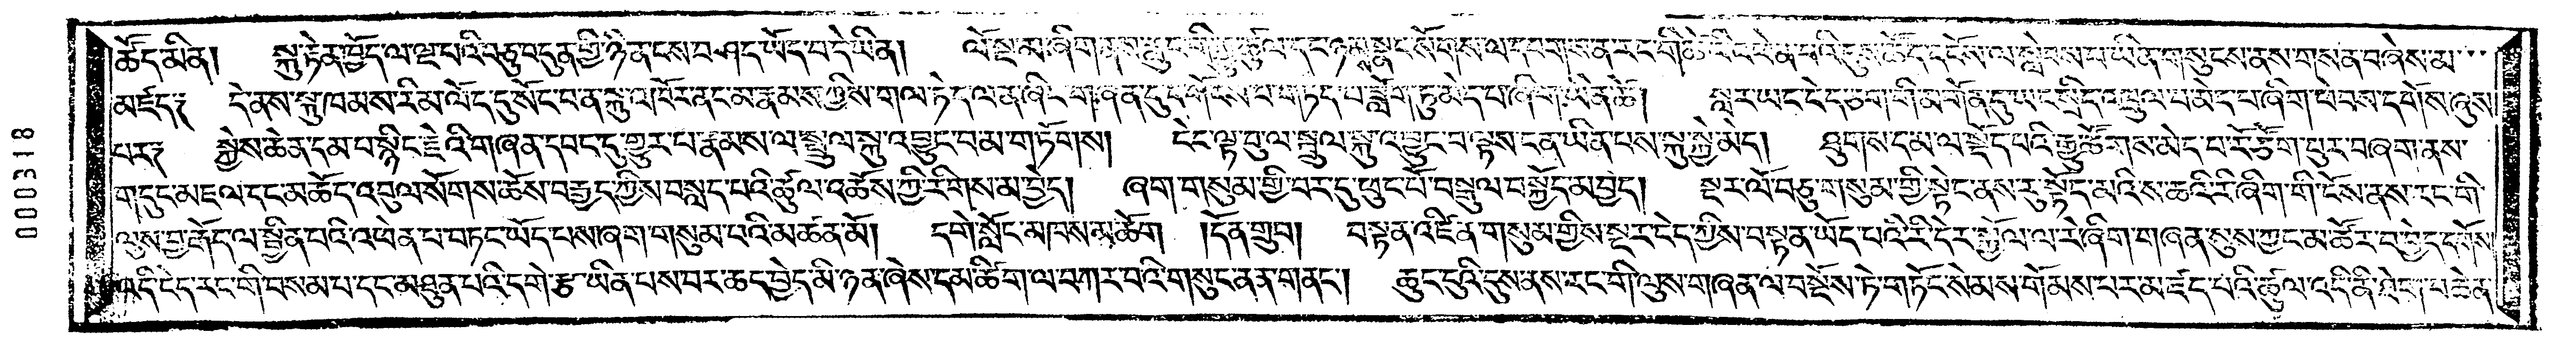ཚོད་མིན། སྐུ་རྟེན་ཁྱོད་ལ་ལྔ་པའི་བཅུ་བདུན་གྱི་ཉིན་ངས་བཤད་ཡོད་བདེ་ཡིན། ལོ་སྔ་མ་ཞིག་ནས་རླུང་གི་རྒྱུ་ཚུལ་དང་ཉམས་སྣང་བ་སོགས་ལ་དབགས་ན་རང་གི་ཚེའི་འཕེན་བའི་དུས་ཚོད་དངོས་ལ་སླེབས་པ་ཡིན་གསུངས་ནས་གསན་བཞེས་མ་
མཛད༑ དེ་ནས་སྐུ་ཁམས་རིམ་ལོད་དུ་སོང་བ་ན་སྐུ་འཁོར་ནང་མ་རྣམས་ཀྱིས་གལ་ཏེད་ལན་ཞིང་གཞན་དུ་དགོངས་པ་གཏད་པ་ཟློག་ཏུ་མེད་པ་ཞིག་ཡིན་ཚེ། སླར་ཡང་ངེད་ཅག་གི་མགོན་དུ་ཡང་སྲིད་འཁྲུལ་པ་མེད་པ་ཞིག་ཕེབས་དགོས་ཞུས་
པར༑ སྐྱེས་ཆེན་དམ་པ་སྙིང་རྗེའི་གཞན་དབང་དུ་གྱུར་པ་རྣམས་ལ་སྤྲུལ་སྐུ་འབྱུང་བ་མ་གཏོགས། ངེང་ལྟ་བུ་ལ་སྤྲུལ་སྐུ་འབྱུང་བ་ལྟས་ངན་ཡིན་པས་སྐུ་སྐྱེ་མེད། ཐུགས་དམ་ལ་སྡོད་པའི་རྒྱུ་ཚོགས་མེད་པ་རོ་ཙོག་པུར་བཞག་ནས་
གདུང་མཇལ་དང་མཆོད་འབུལ་སོགས་ཆོས་བརྒྱད་ཀྱིས་བསླད་པའི་ཚུལ་འཆོས་ཀྱི་རིགས་མ་བྱེད། ཞག་གསུམ་གྱི་བར་དུ་ཕུང་པོ་བསྒུལ་བསྐྱོད་མ་བྱད། སྔར་ལོ་བཅུ་གསུམ་གྱི་སྟེང་ནས་རུ་སྟོད་མའི་ས་ཆའི་རི་ཞིག་གི་ངོས་ནས་རང་གི་
ལུས་བྱ་རྒོད་ལ་སྦྱིན་པའི་འཕེན་པ་བཏང་ཡོང་པས་ཞག་གསུམ་བའི་མཚན་མོ། དགེ་སློང་མཁས་མཆོག །དོན་གྲུབ། བསྟན་འཛིན་གསུམ་གྱིས་སྔར་ངེད་ཀྱིས་བསྟན་ཡོད་པའི་རི་དེར་སྐྱོལ་ལ་རེ་ཞིག་གཞན་སུས་ཀྱང་མཚོར་བ་བྱེད་དགོས་
འདི་ངེད་རང་གི་བསམ་པ་དང་མཐུན་པའི་དགེ་རྩ་ཡིན་པས་བར་ཆད་བྱེད་མི་ཉན་ཞེས་དམ་ཚིག་ལ་བཀར་བའི་གསུང་ནན་གནང་། ཆུང་ངུའི་དུས་ནས་རང་གི་ལུས་གཞན་ལ་བསྔོས་ཏེ་གཏོང་སེམས་གོམས་པར་མཛད་པའི་ཚུལ་འདི་ནི་ཐེག་པ་ཆེན་